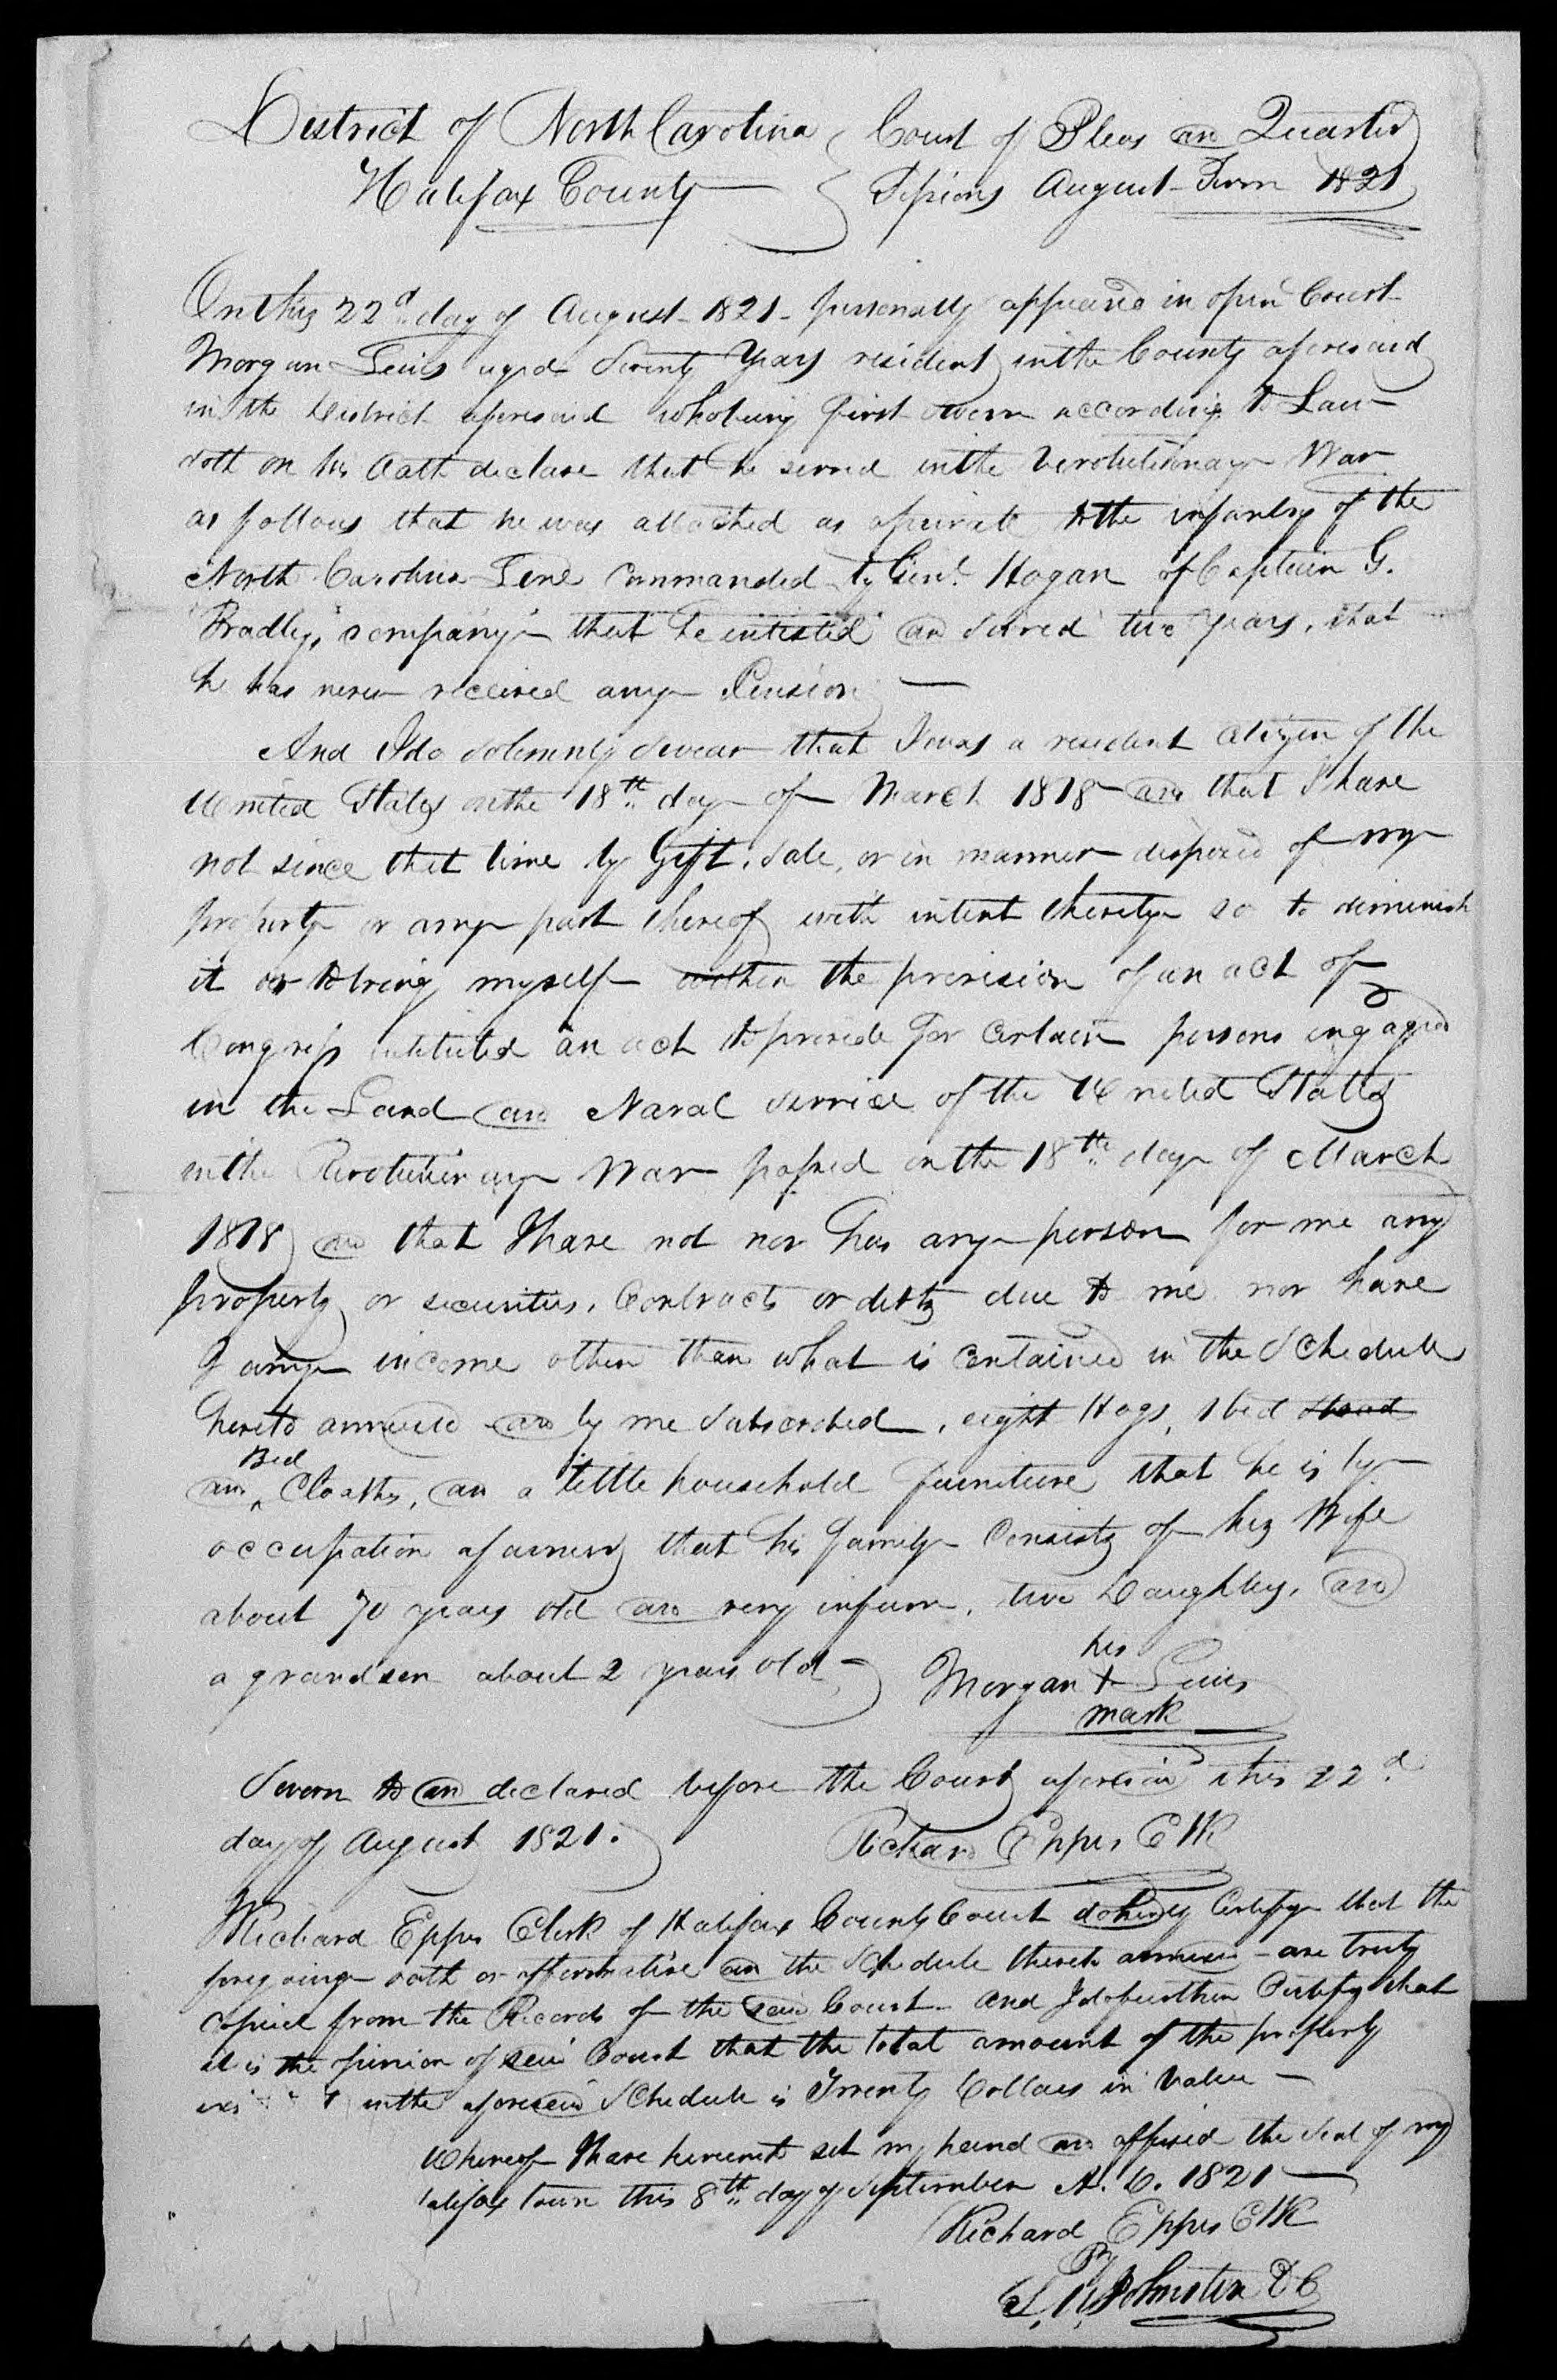District of North Carolina
Halifax County
Court of Pleas and Quarter
Sessions August-[illegible] 1821
On this 22d day of August, 1821, personally appeared in open court
Morgan Lewis negroe[?] Twenty Years in the County of [illegible]
in the [illegible] swear according to Law
nott on his oath declare that he served in the Revolutioary War
as follows that he was attached as a private in the infantry of the
North Carolia Line Commanded by Colonel. Hogan of Capetown[?], G
Bradley, a company in that he enlisted and served two years, that
he has never received any Pension —
And I do solemnly swear that I was a resident citizen[?] of the
United States on the 18th of March 1818 and that I have
not since that time by gift, sale, or in manner disposed of my
[illegible] part thereof with intent therefore so to diminish
it or [illegible] myself wither the provision of an act of
Congress instituted[?] an [illegible] for certain persons engaged
in the Land and Naval Service of the United States
in the Revolutionary War passed on the 18th day of March
1818 and that I have not, nor has any person for me any
property, or securities, contracts or duty due to me, nor have
I any income other than what is contained in the [illegible]
hereto announced and by me [illegible], eight Hogs, 1 bed [illegible crossed out]
and bed clothes, and a little household furniture that he is [illegible]
occupation of [illegible] that his family consists of his Wife
about 70 years old and very infirm, two daughters, and
a grandson about two years old, 
Morgan Lewis
His Mark
[signed] X
Sworn to and declared before the Court, [illegible] on this 22d
day of August, 1821
[signed] Richard Epps, Clk.
Richard Epps Clerk of Halifax County Court do hereby Certify that the
[illegible] and that the schedule which [illegible] — are truly
copied from the Records of the [illegible] and [illegible] that
it is the opinion of [illegible] that the total amount of the [illegible]
[text partly covered by white star-shaped sticker with approximately 25 points]
[illegible] Twenty Dollars in value —
Whereas I have [illegible] my hand and affixed the seal of my
[illegible]Halifax Town this 8th day of September A.D. 1821 —
[signed]
Richard Epps Clk
[illegible] Johnston D.C.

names: Morgan Lewis; [BLANK] Hogan; Richard Eppes; S R Johnsten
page: 5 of 7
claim: survivor's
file: S. 41766, for Morgan Lewis, North Carolina